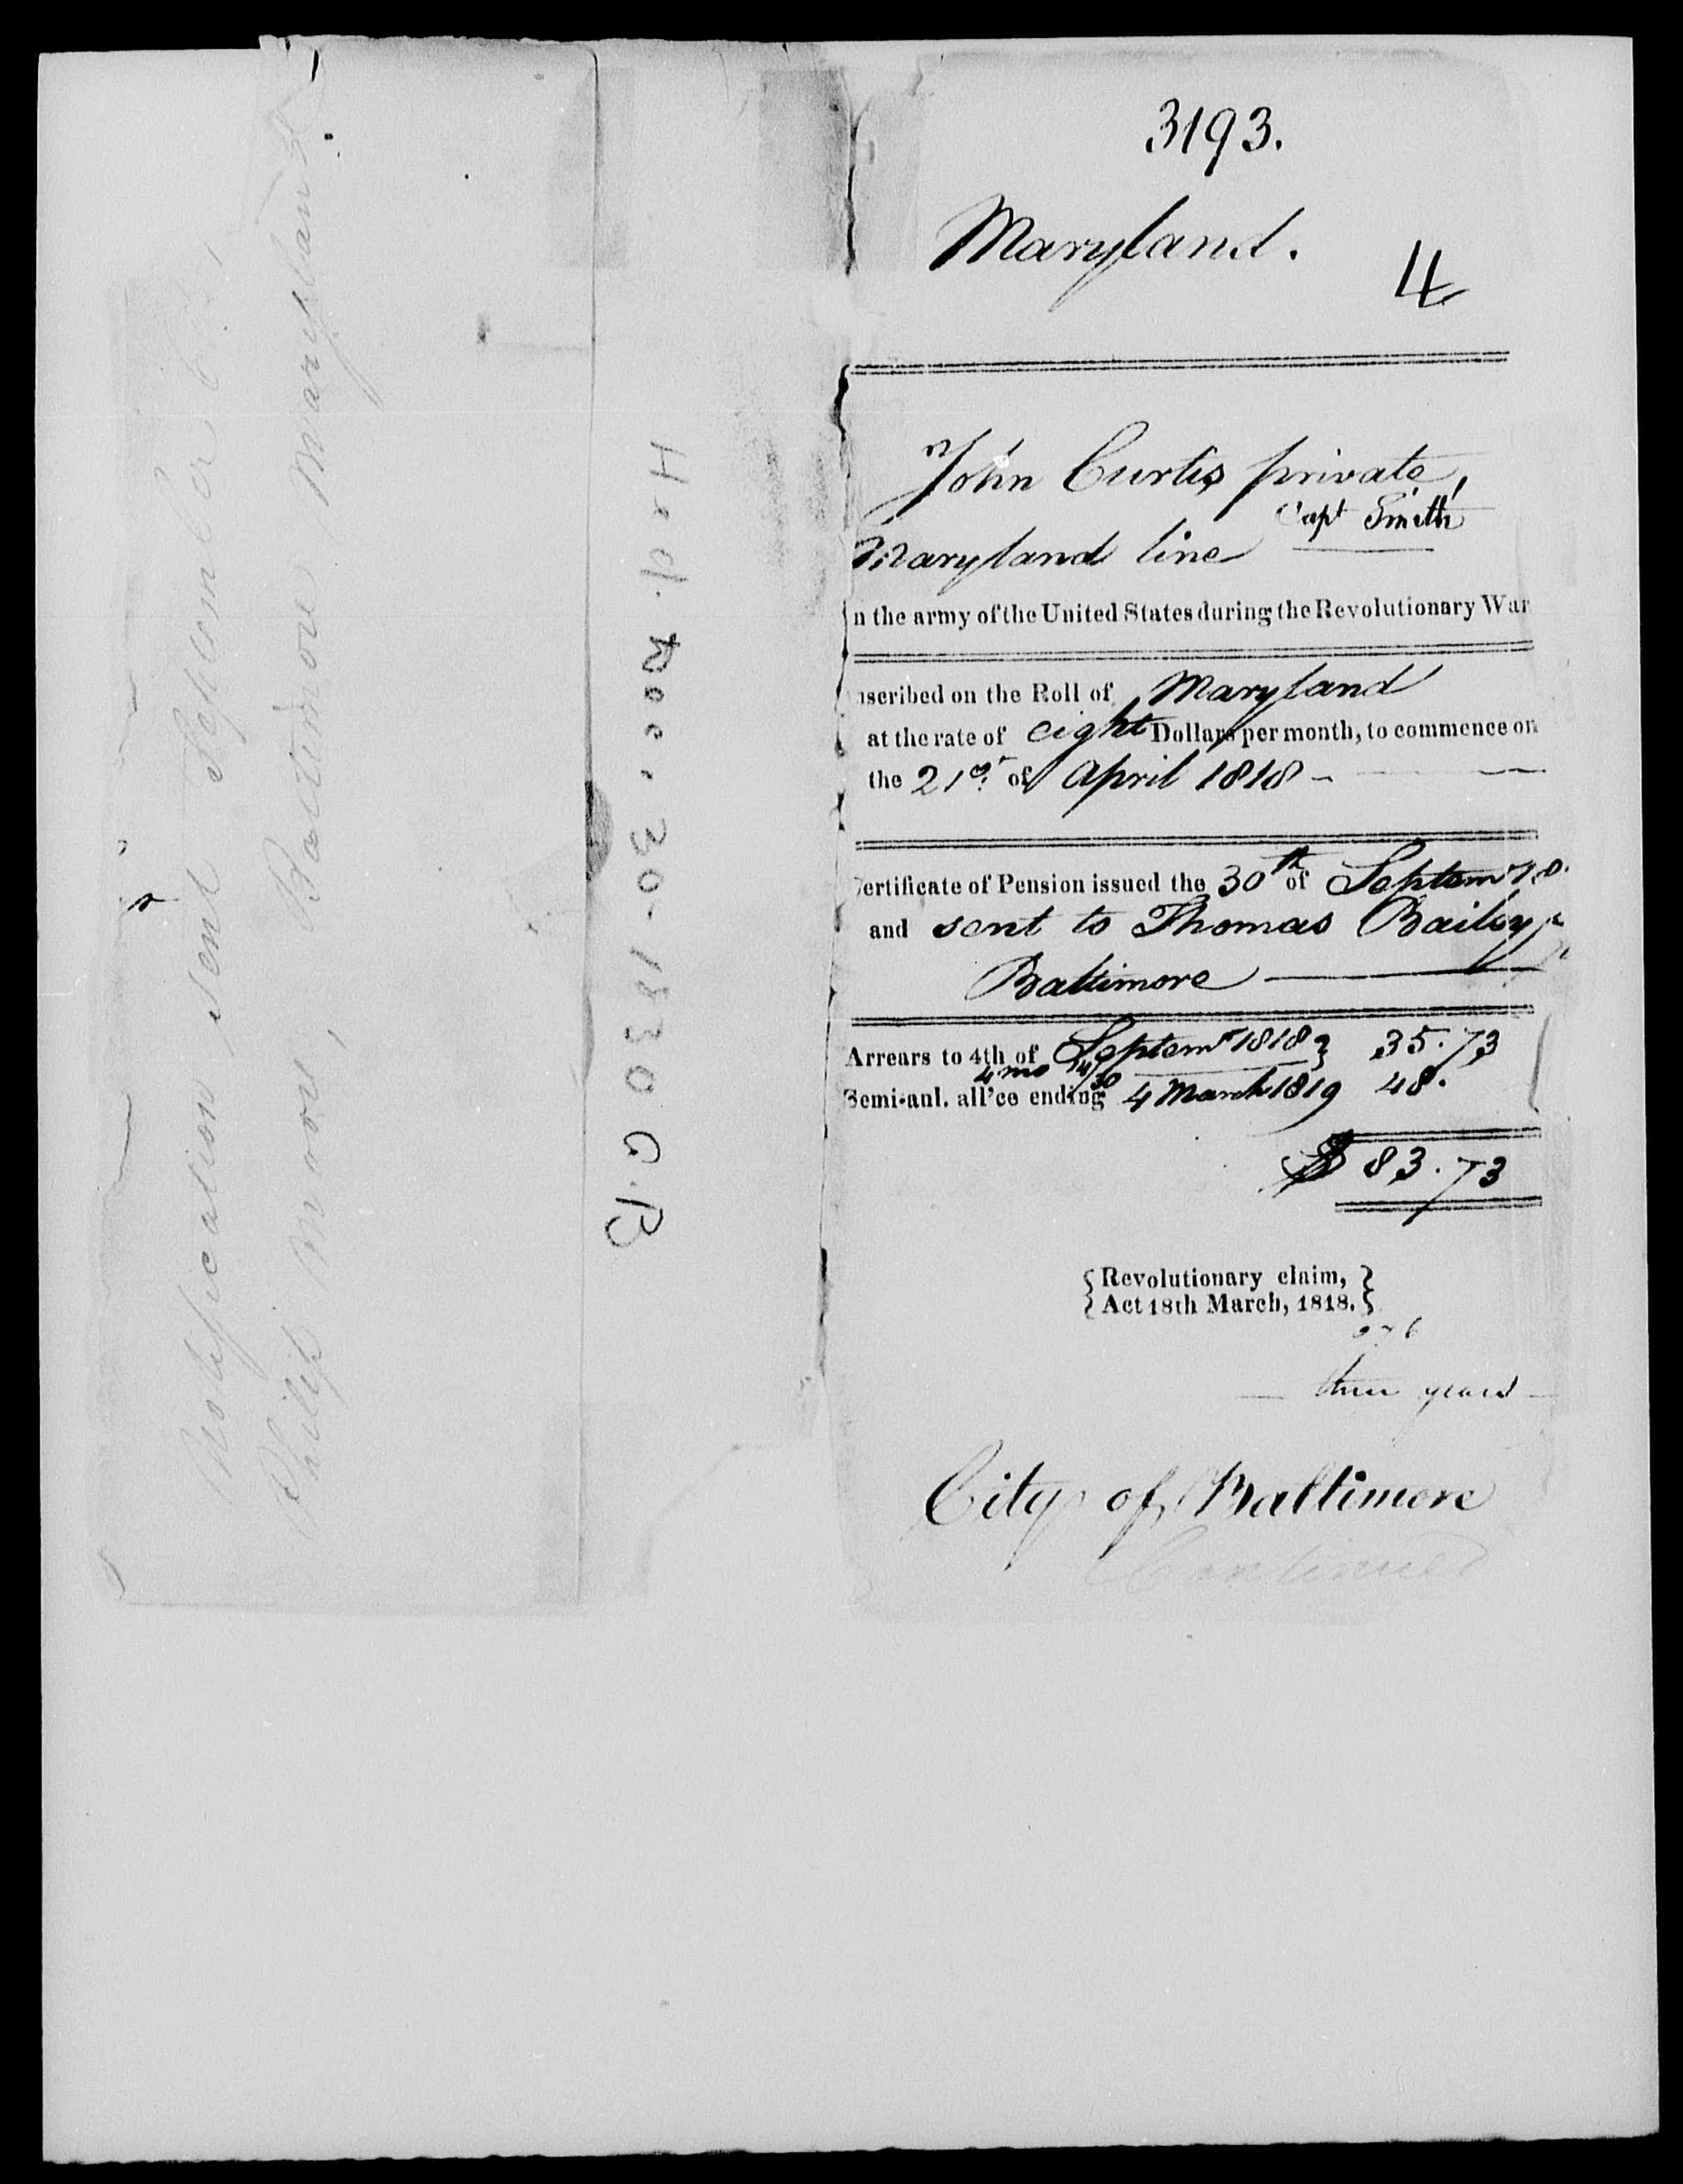[2 page booklet]

[right page]
3194
Marryland. 
LL
John Curtis private,
Maryland line    Capt Smith
n army of the United States during the Revolutionary War
nscribed on the Roll of Maryland
at the rate of Eight Dollars per month, to commence on
the 21st of April 1818-
Certificate of Pension issued the 30th Septemr 18
and sent to Thomas Bailey
Baltimore
Arrears to 4th of Septemr 1818   4 mo 14/13  }    35.73
Semi-anl, all'ce ending 4 March 1819   48.00
-------
$83.73
{Revolutionary claim, Act 18th March, 1818 }
276
three years
City of Baltimore
Continued

[left page - at right angle]
Notification sent September 6 [illegible]
Philip Moore, Baltimore, Maryland

Hed Dev. 30-1830  G.B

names: Philip Moore, Smith, Thomas Bailey, John Curtis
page: 2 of 26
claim: survivor's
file: S. 34,725, John Curtis, Md.